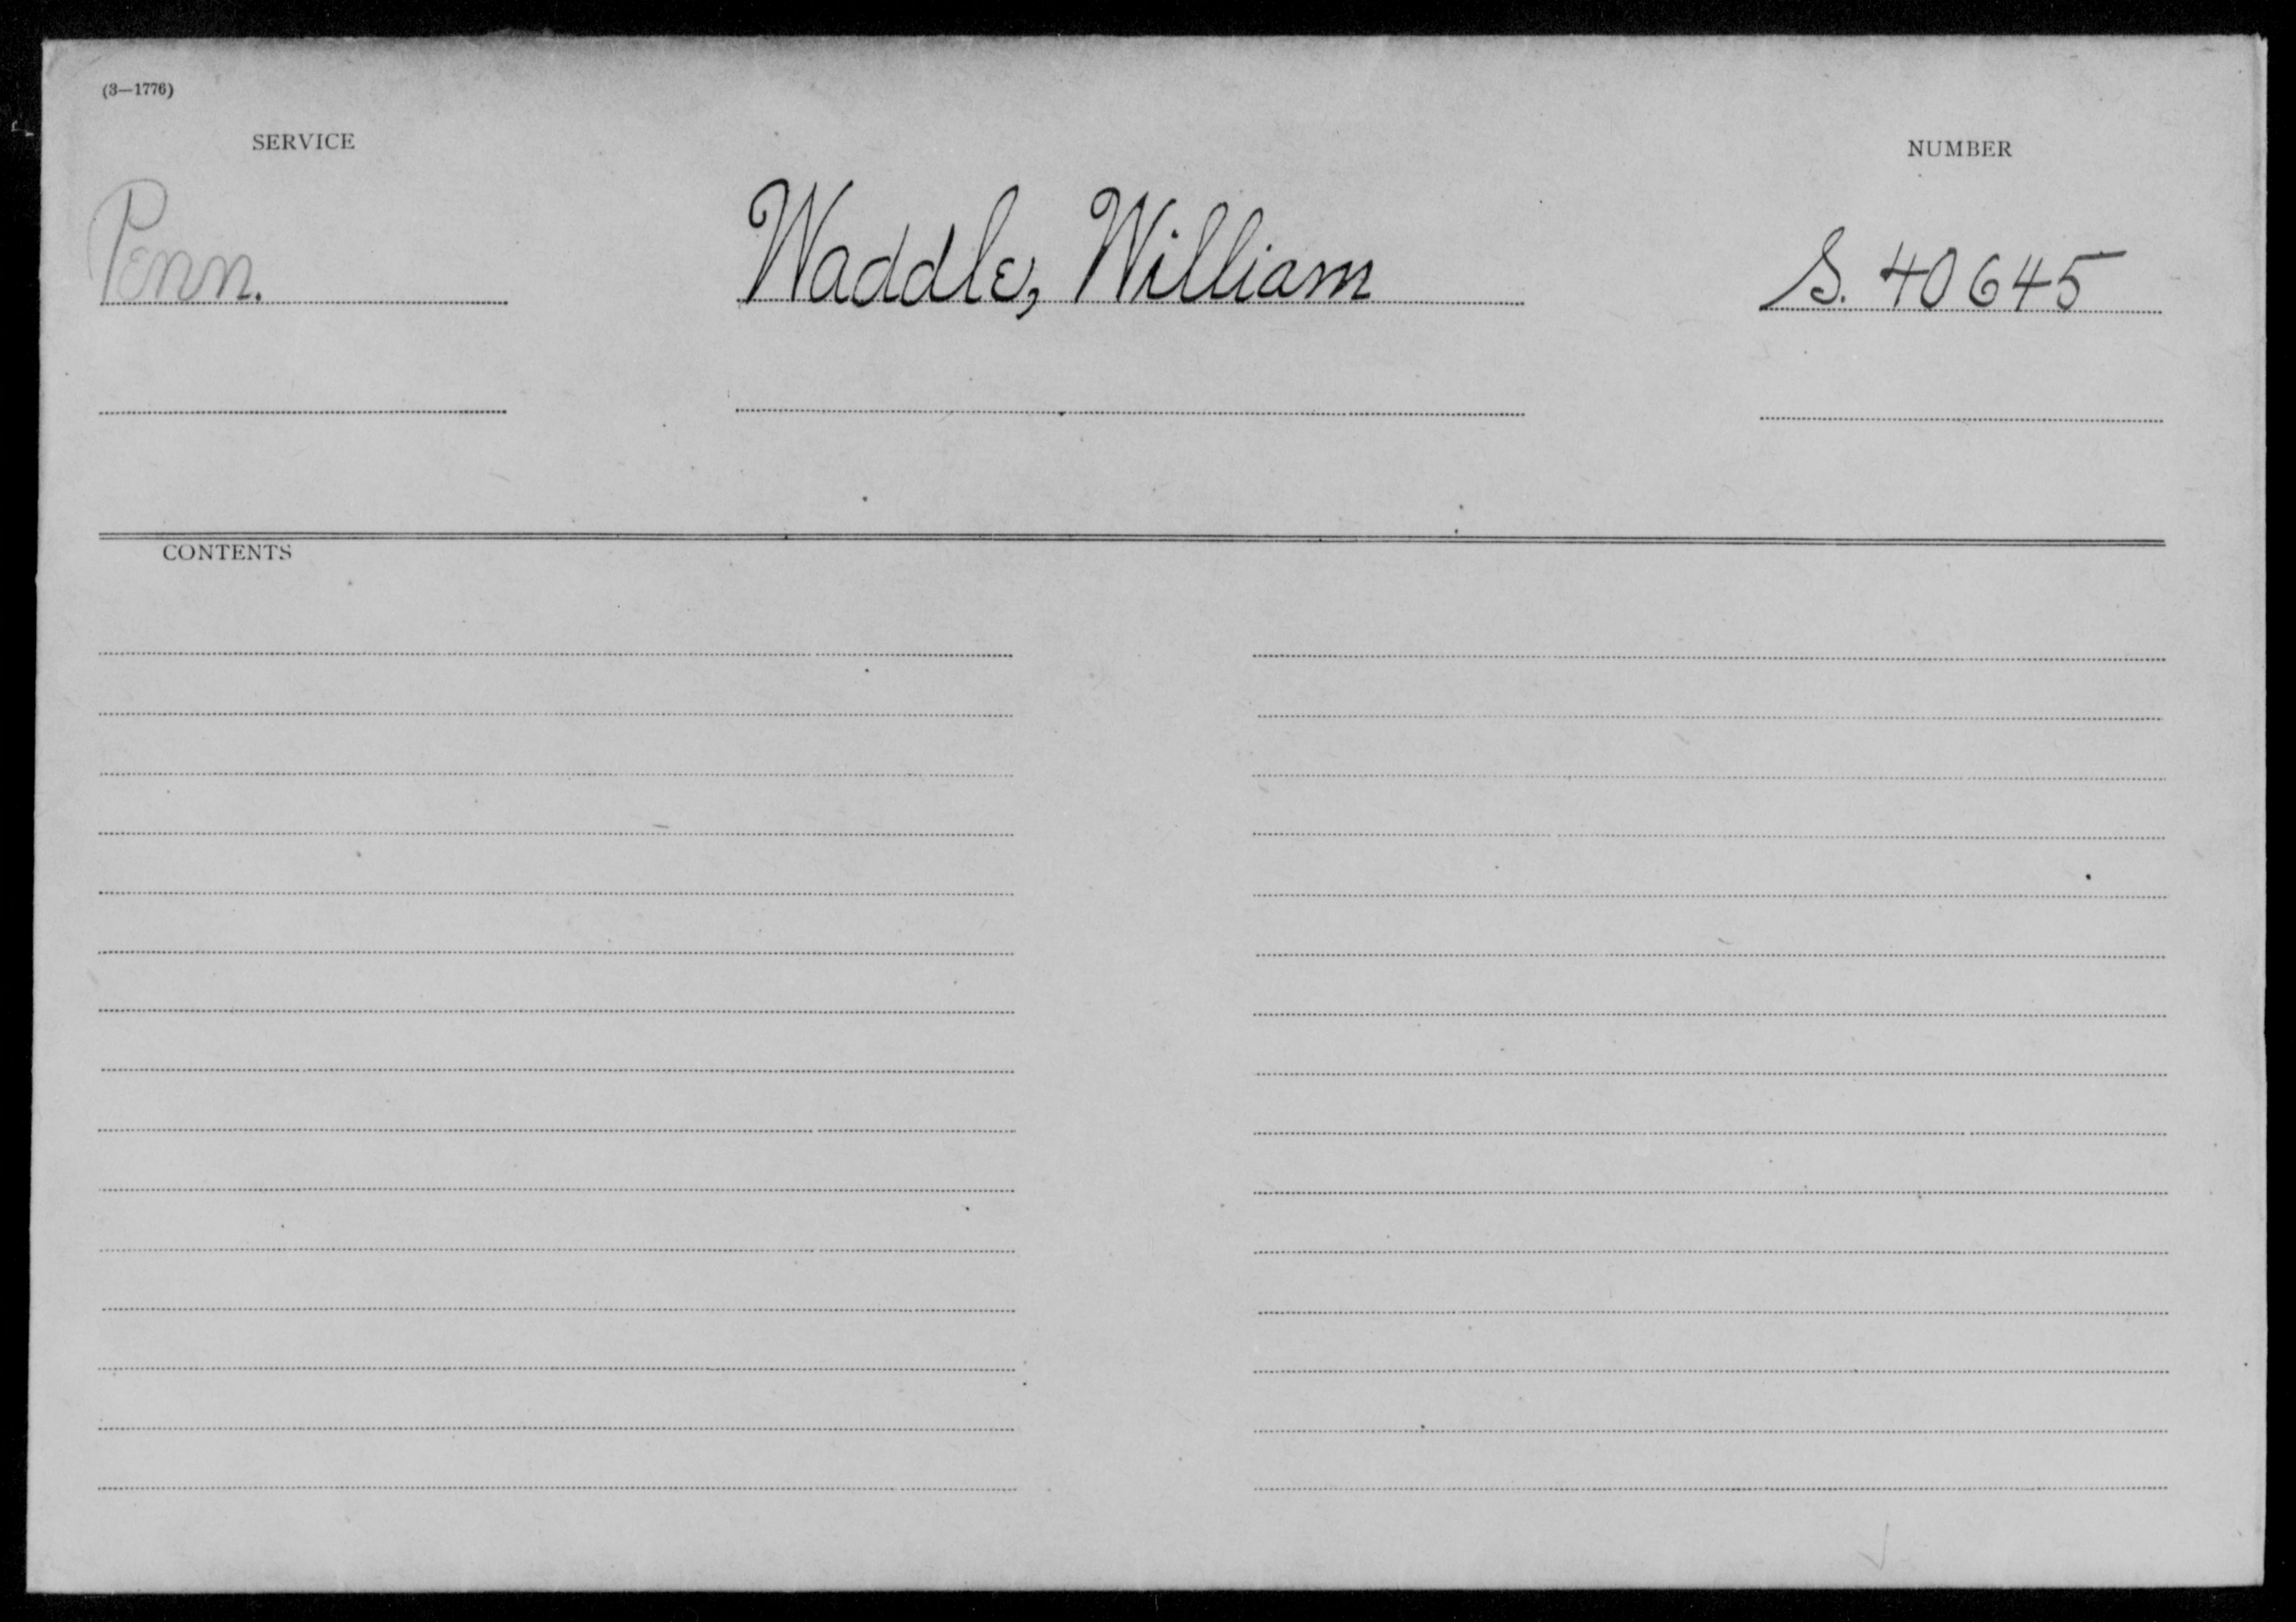(3 - 1776)
SERVICE
Penn.
CONTENTS
Waddle, William
NUMBER
S. 40645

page: 1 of 42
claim: survivor's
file: S. 40645, William Waddle, Penn.